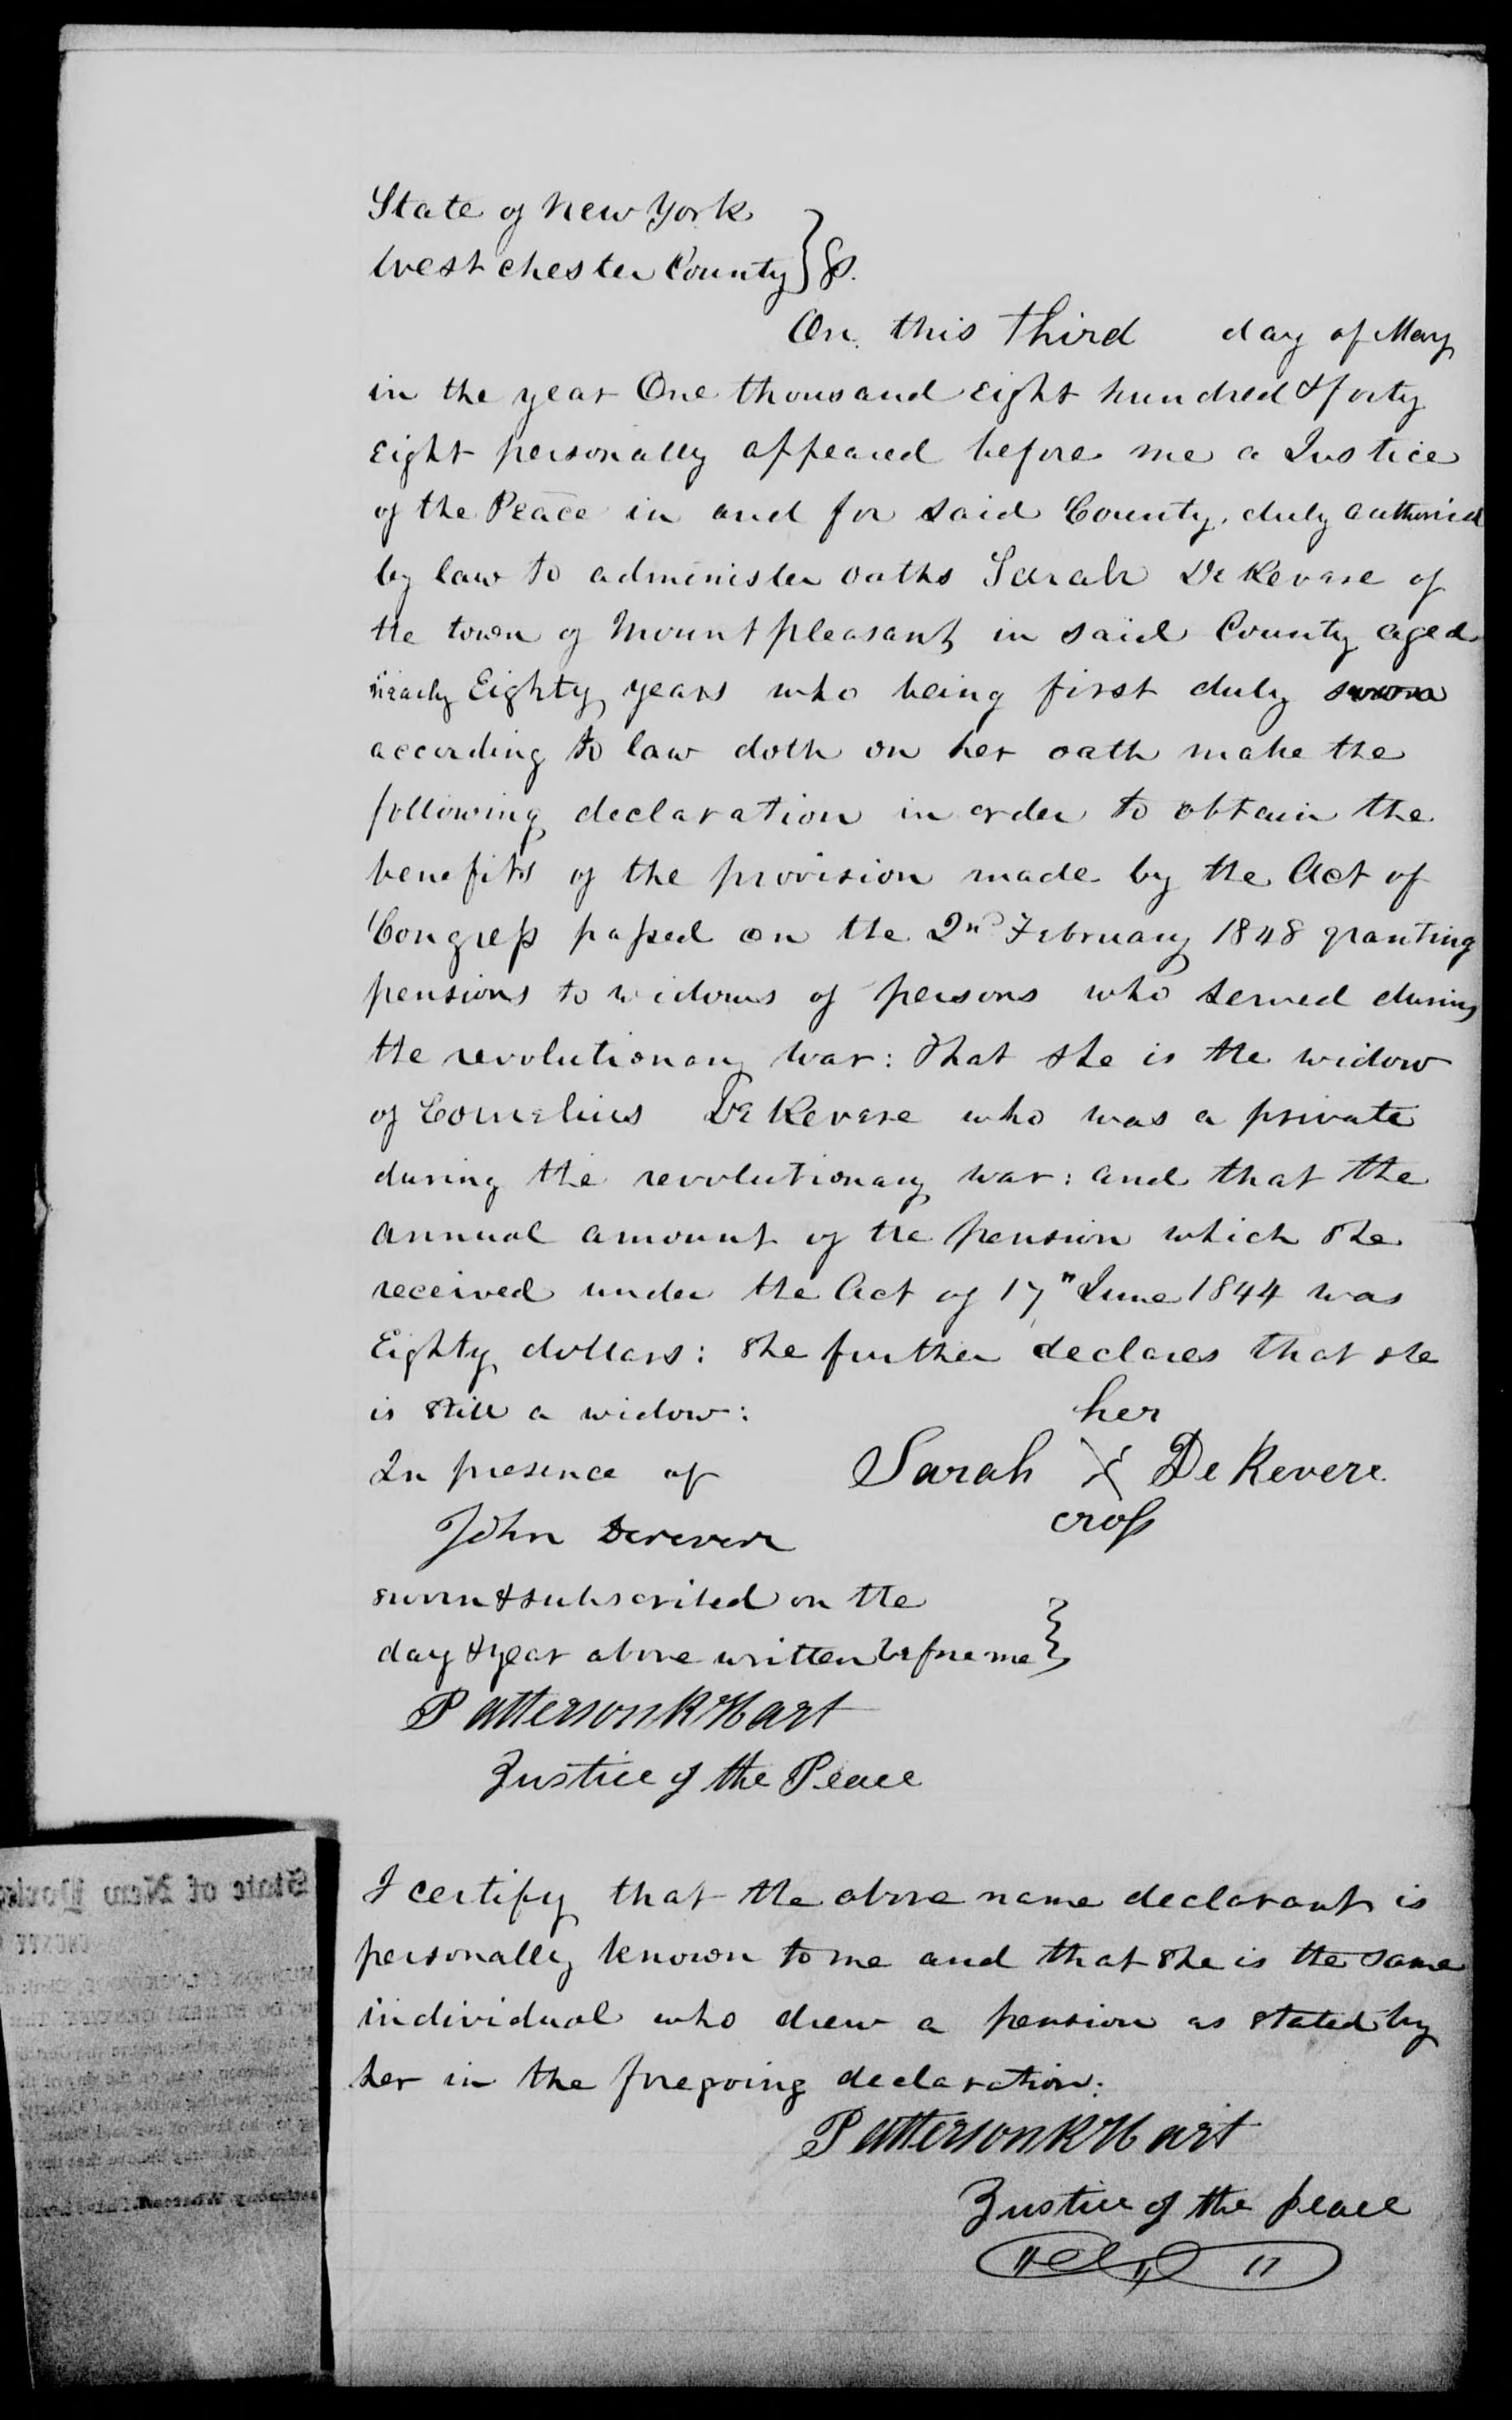State of New York
Westchester County} ss

On this third day of May in the year One thousand eight hundred & forty
eight personally appeared before me a Justice
of the Peace in and for said County, duly authorized by law to administer oaths Sarah DeRevere of the town of Mount Pleasant in said County aged nearly Eighty years who being first duly sworn according to law doth on her oath make the following declaration in order to obtain the benefits of the provision made by the Act of Congress passed on the 2nd February 1848 granting pensions to widows of persons who served during the
revolutionary war: That she is the widow
of Cornelius DeRevere who was a private during the revolutionary war: And that the annual amount of the pension which she received under the Act of 17 June 1844 was
Eighty dollars: She further declares that she is still a widow:

Sarah De Revere
her X cross

In the presence of John Derevere sworn & subscribed on the day & year above written before me}

Patterson R Hart
Justice of the Peace

I certify that the above name declarant is personally known to me and that she is the same individual who drew a pension as stated by her in the foregoing declaration:

Patterson R Hart
Justice of the Peace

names: John Derevere, Patterson R Hart, Sarah De Revere, Cornelius De Revere, Sarah De Revere, Patterson R Hart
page: 23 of 40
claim: widow's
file: W. 24057, Cornelius De Revere, New York